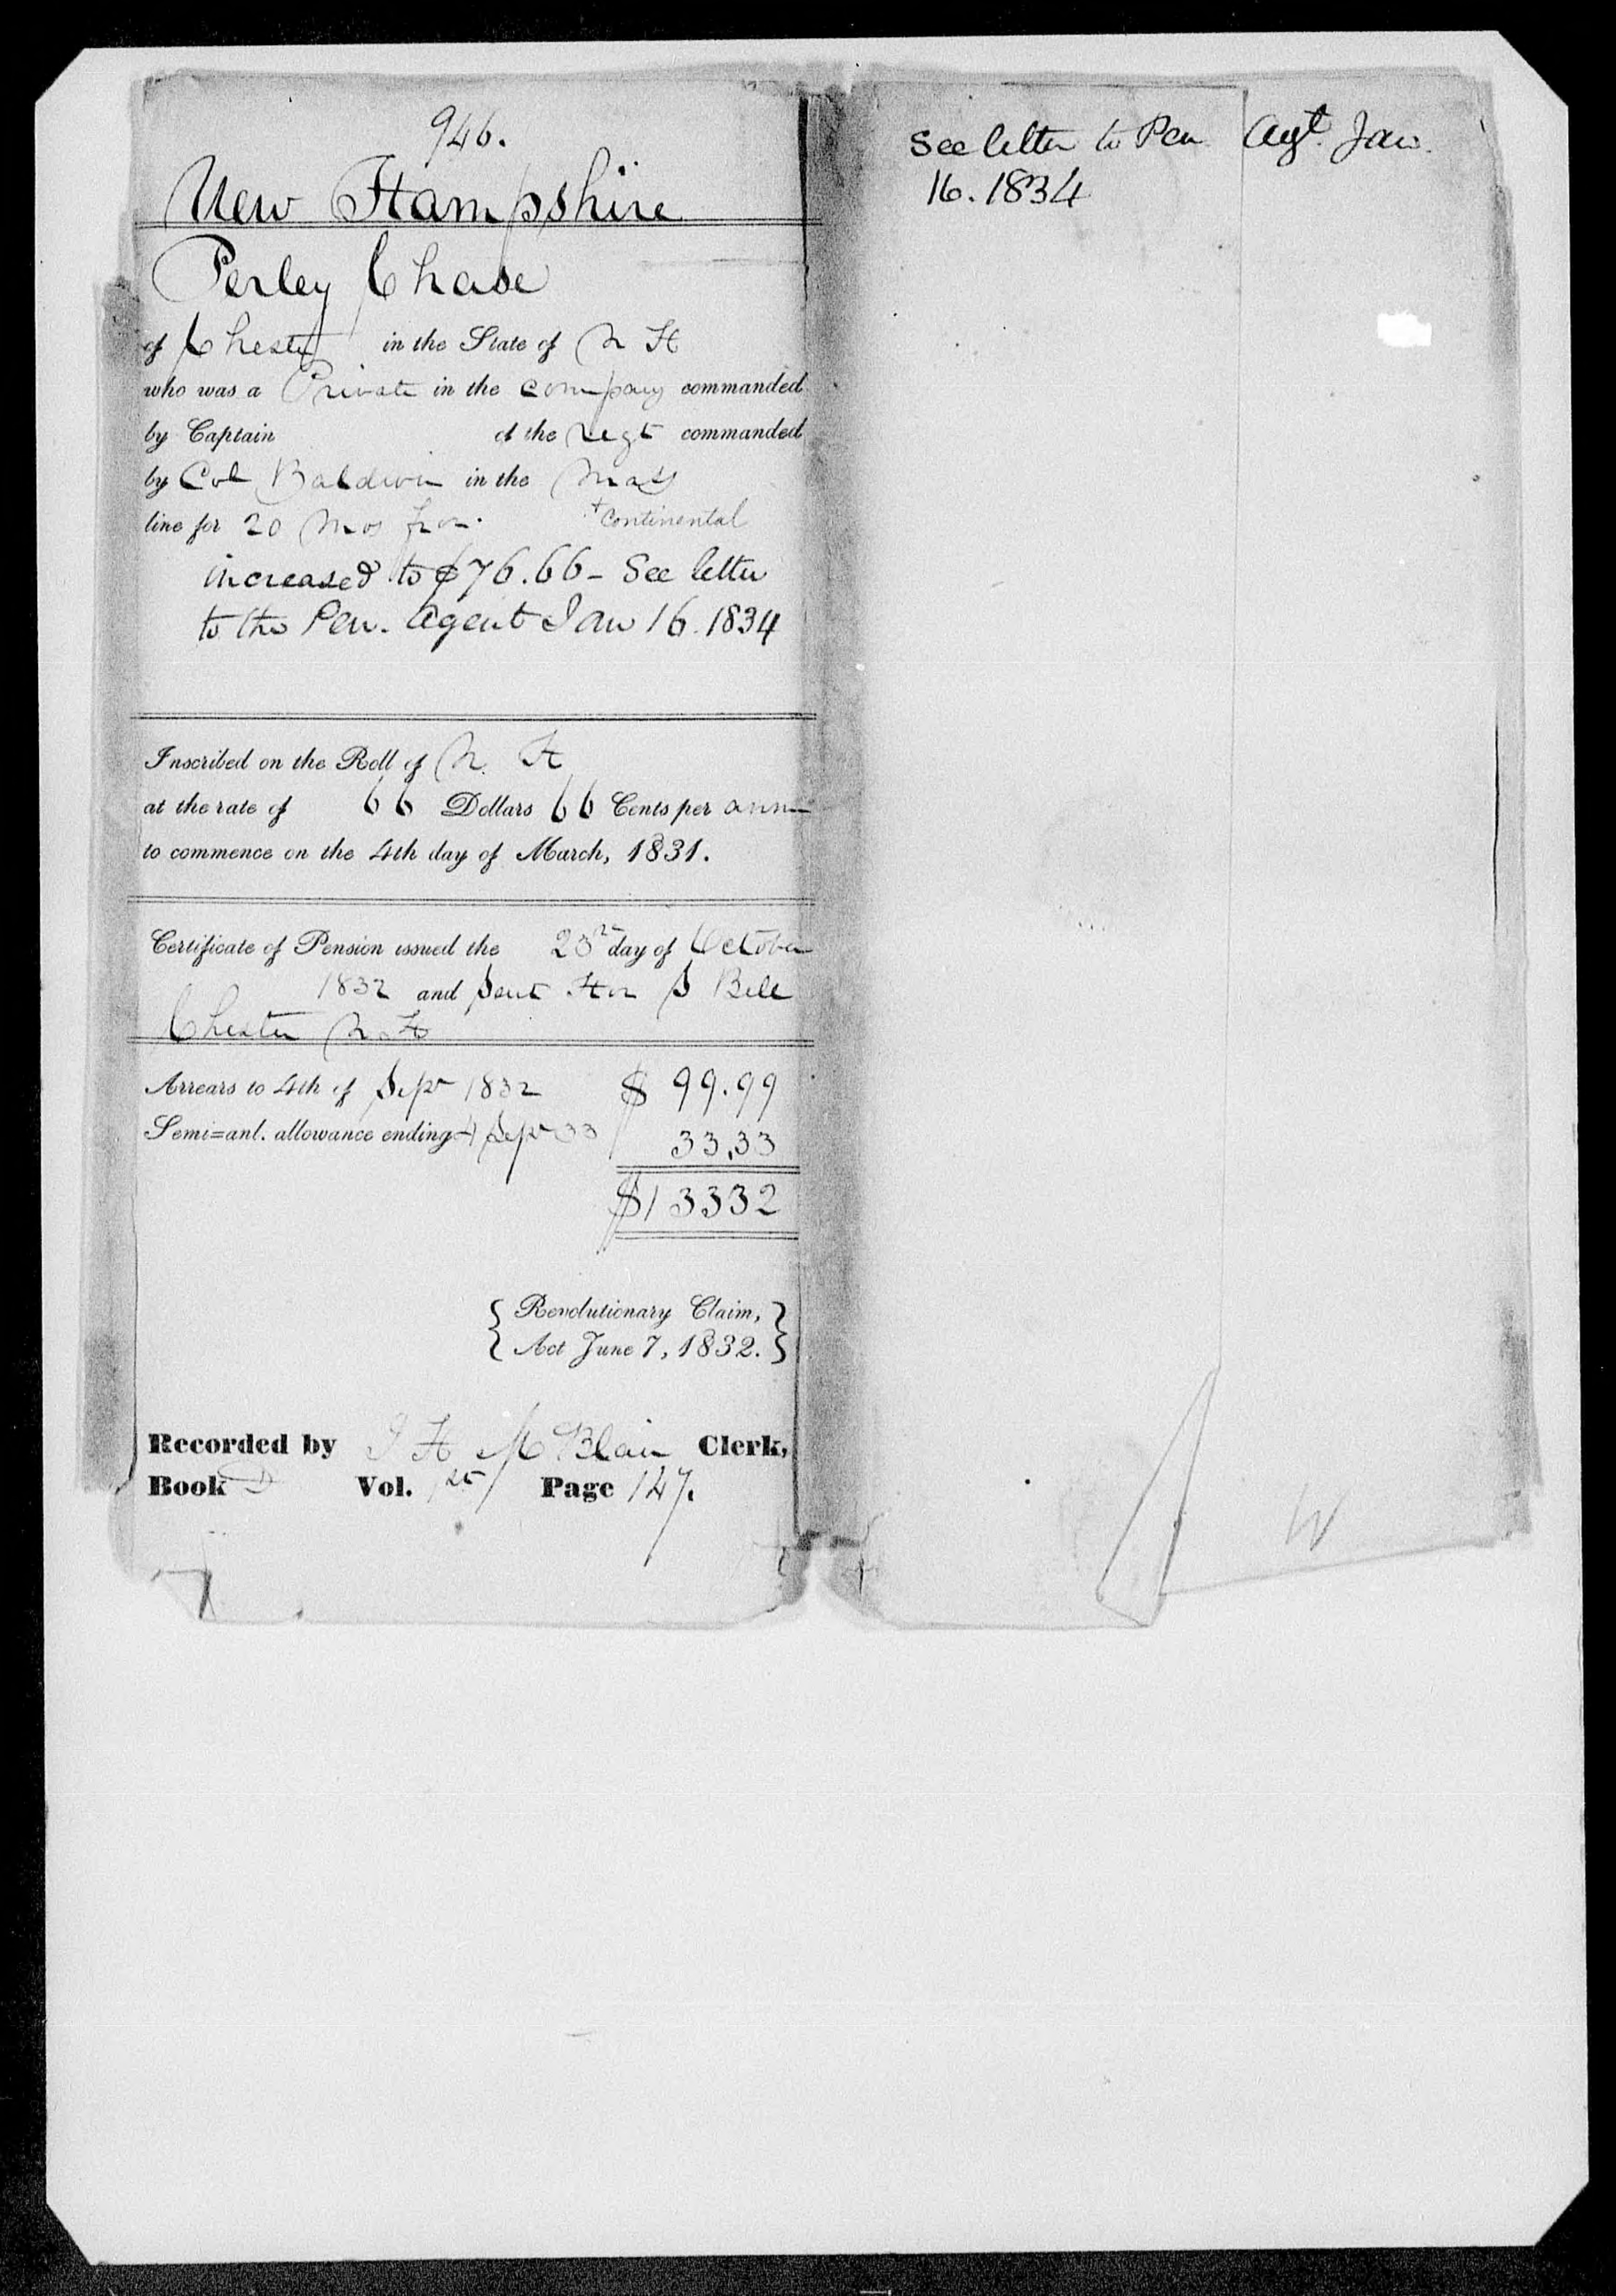946
New Hampshire
Perley Chase
Chester in the State of NH
who was a Private in the company commanded
by Captain of the regt commanded 
by Col Baldwin in the Mass 
line for 20 mos from Continental
increased to $76.66 -- See letter
to the Pen. Agent Jan 16, 1834
Inscribed on the Roll of N.H.
at the rate of 66 dollars 66 cents per annum
to commence on the 4th day of March, 1834.
Certificate of Pension issued the 25th day of October
1832 and said Hon S Bile 
Chester Motts
Arrears to 4th of Sept 1832          $99.99
Semi=anl. allowance ending Sept  33.33
                                                      $1332
Revolutionary Claim,
Act June 7, 1832.
Recorded by G H M Blain Clerk,
Book D Vol. 1st Page 147.
See letter to Pen
16.1834
Agt. Jaw.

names: S Bell, Perley Chase, J H Mc Blair, Baldwin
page: 2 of 24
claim: survivor's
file: S. 17879, Perley Chase, Continental Mass.